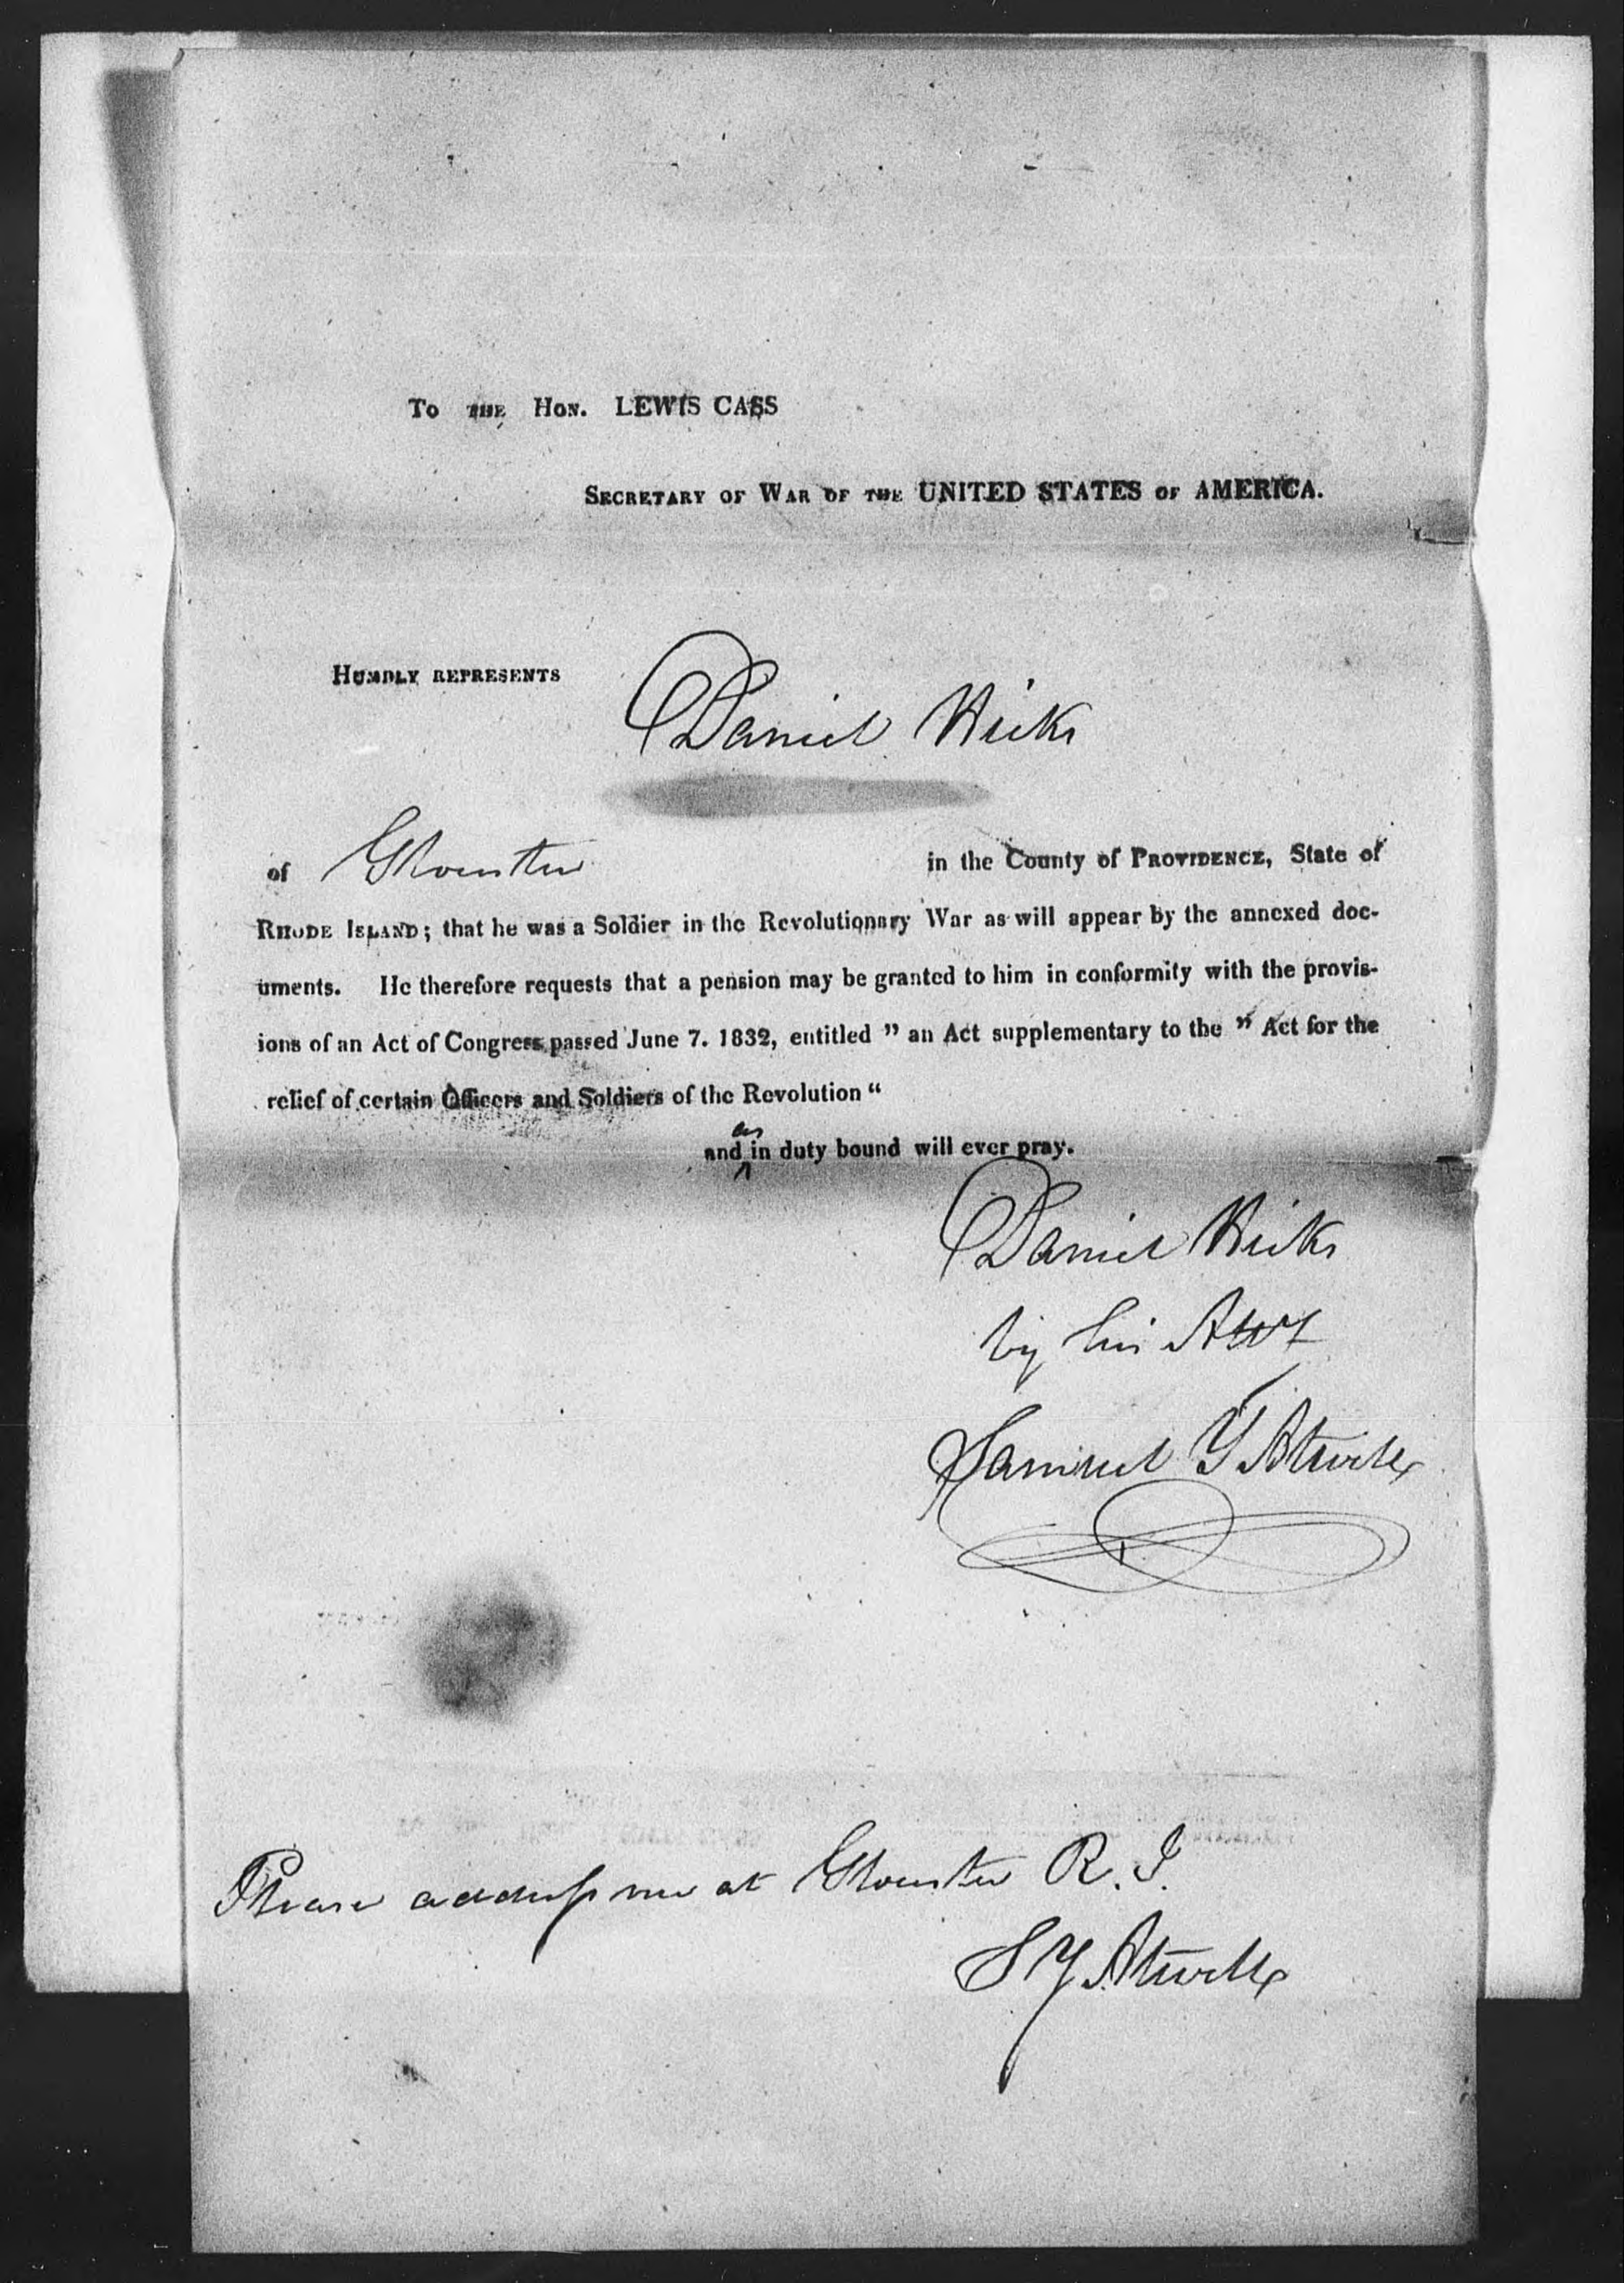TO ME HON. LEWIS CASS

SECRETARY OF WAR OF THE UNITED STATES OF AMERICA.
Huxley Represents
Daniel Hicks
of Glouster
in the County of PROVIDENCE, State of
RHODE ISLAND; that he was a Soldier in the Revolutionary War as will appear by the annexed documents
. He therefore requests that a pension may be granted to him in conformity with the provisions
of an Act of Congress passed June 7, 1832, entitled" An Act supplementary to the Act for the
relief of certain officers and Soldiers of the Revolution "
and in duty bound will ever pray.
/s/Daniel Hicks
by his Atty
Samuel G Atwell
Please address at Glouster R. I.
S Y. Atwell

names: Lewis Cass, Samuel Y Atwell, S Y Atwell, Daniel Hicks, Daniel Hicks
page: 17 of 17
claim: survivor's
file: S. 21285, Daniel Hicks, R.I.